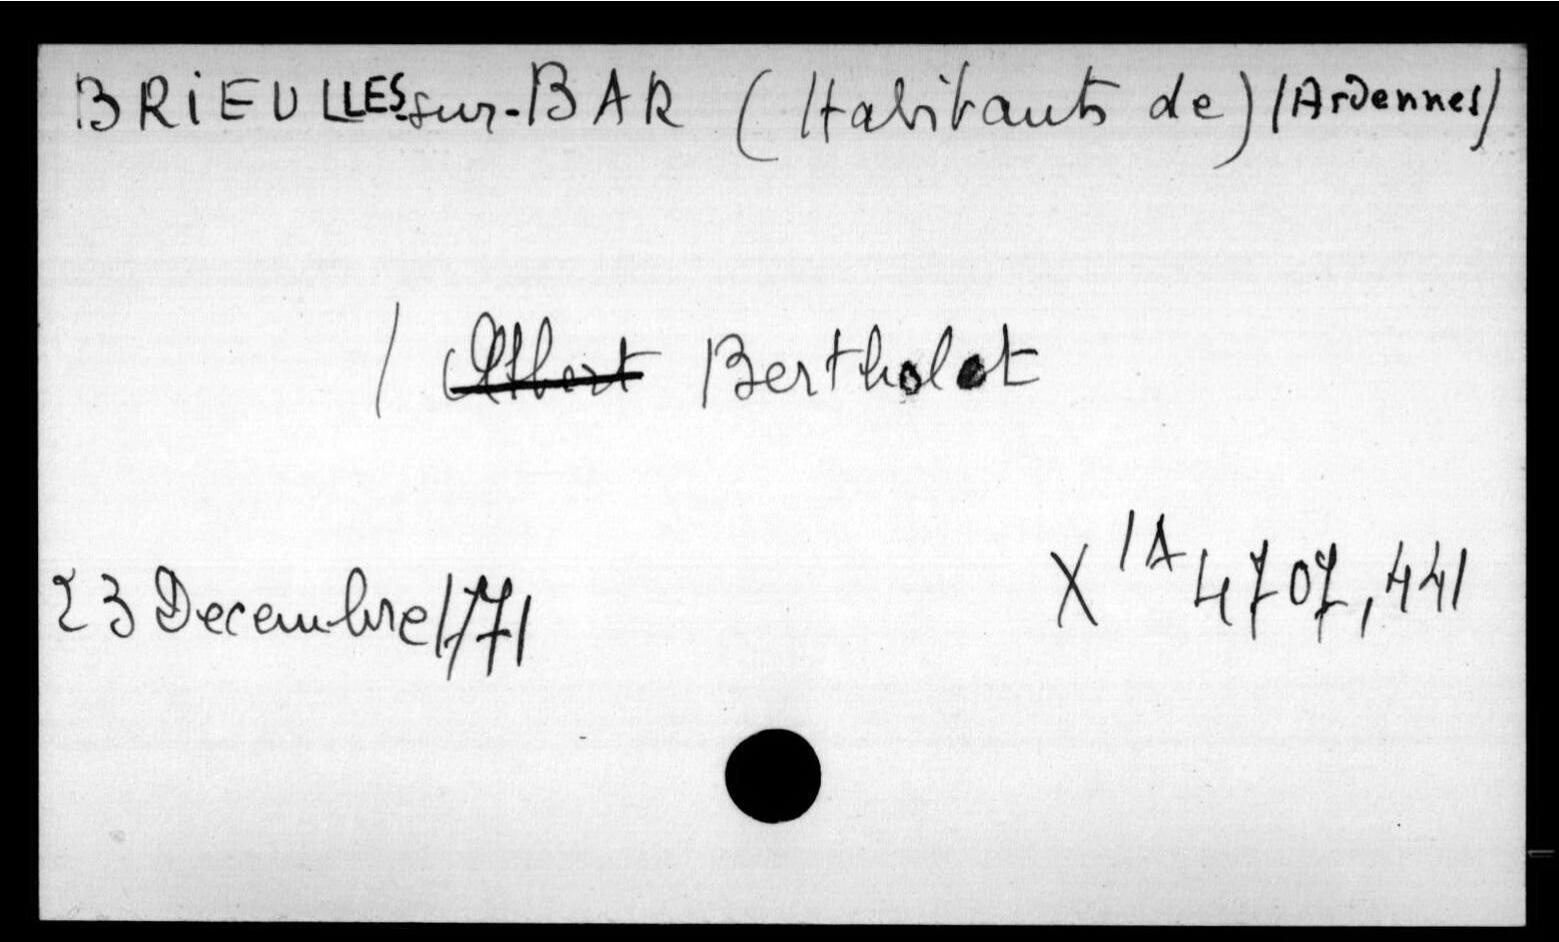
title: BRIEULLES-sur-BAR (Habitants de) [Ardennes]
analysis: Contre Bertholet
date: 23 décembre 1771
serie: X1A
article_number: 4707
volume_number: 441
